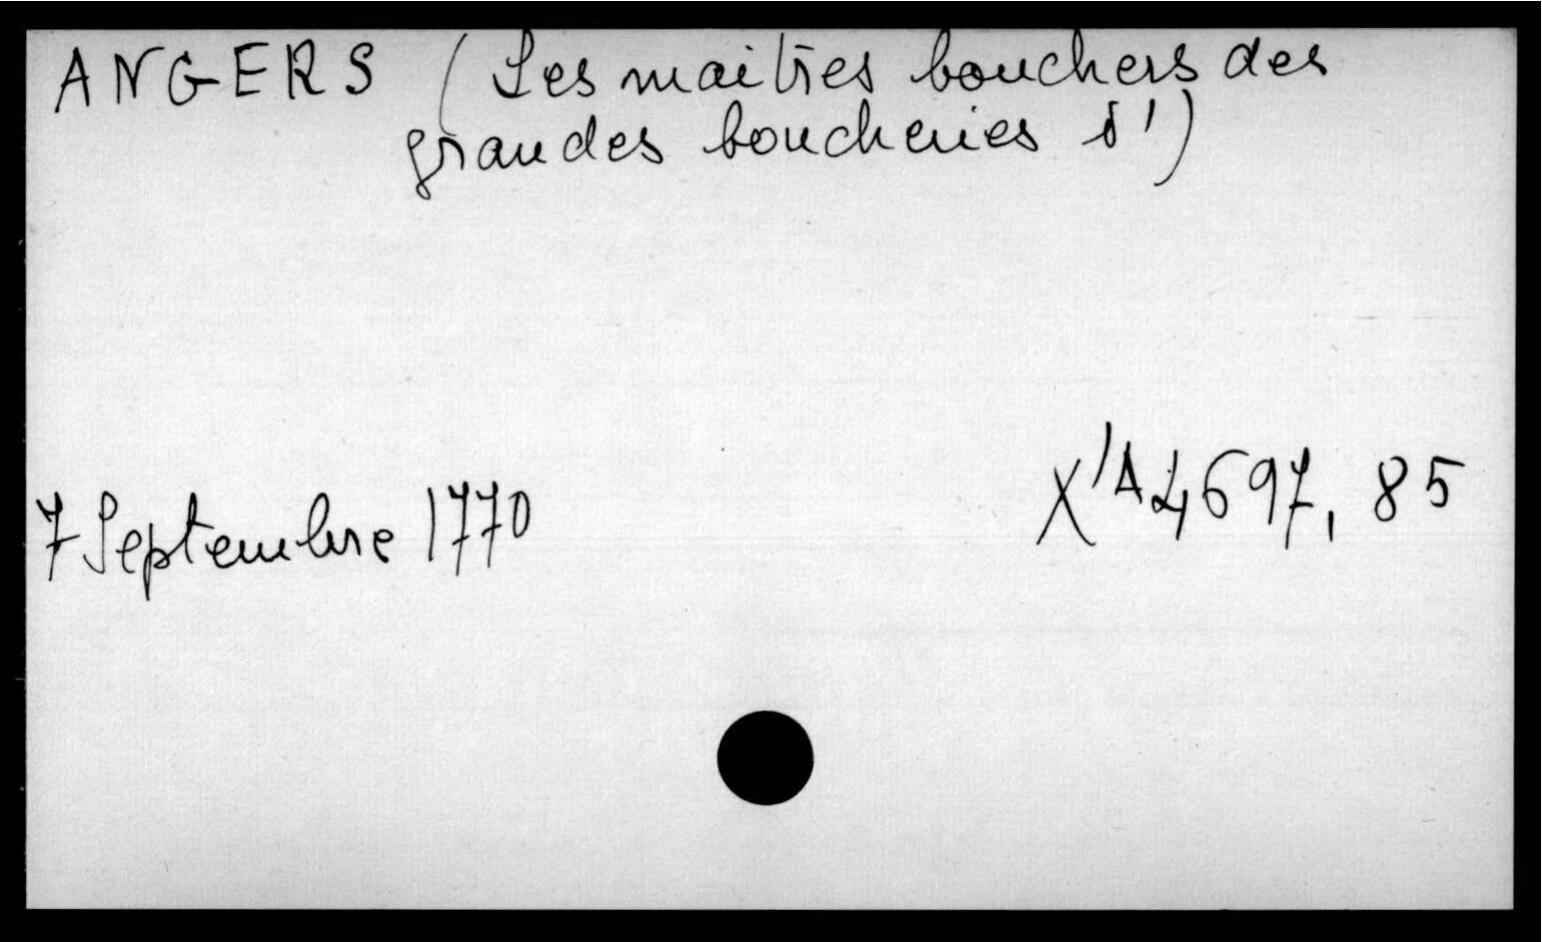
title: ANGERS (Les maîtres bouchers des grandes boucheries d')
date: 7 septembre 1770
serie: X1A
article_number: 4697
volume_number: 85
